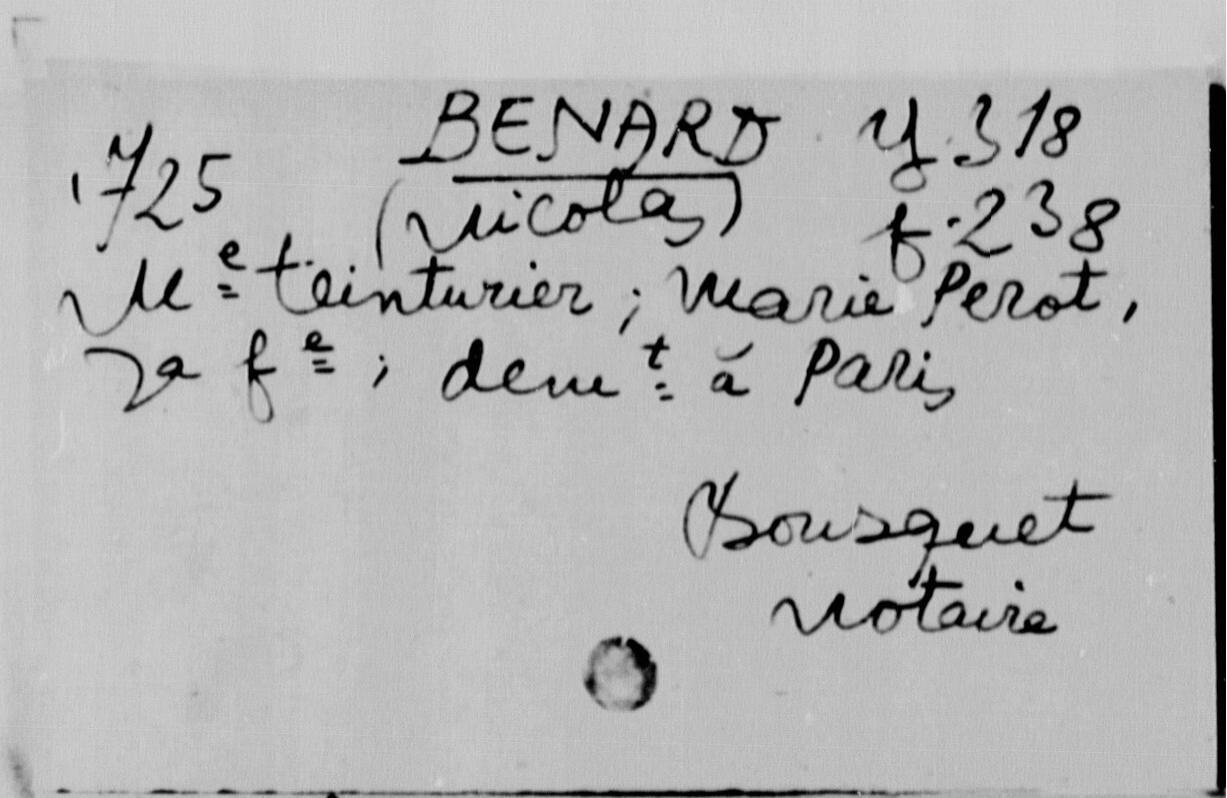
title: BENARD (Nicolas)
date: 1725
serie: Y
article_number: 318
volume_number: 238
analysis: Maître teinturier ; Marie Perot, sa femme. Demeurant à Paris. Bousquet, notaire
